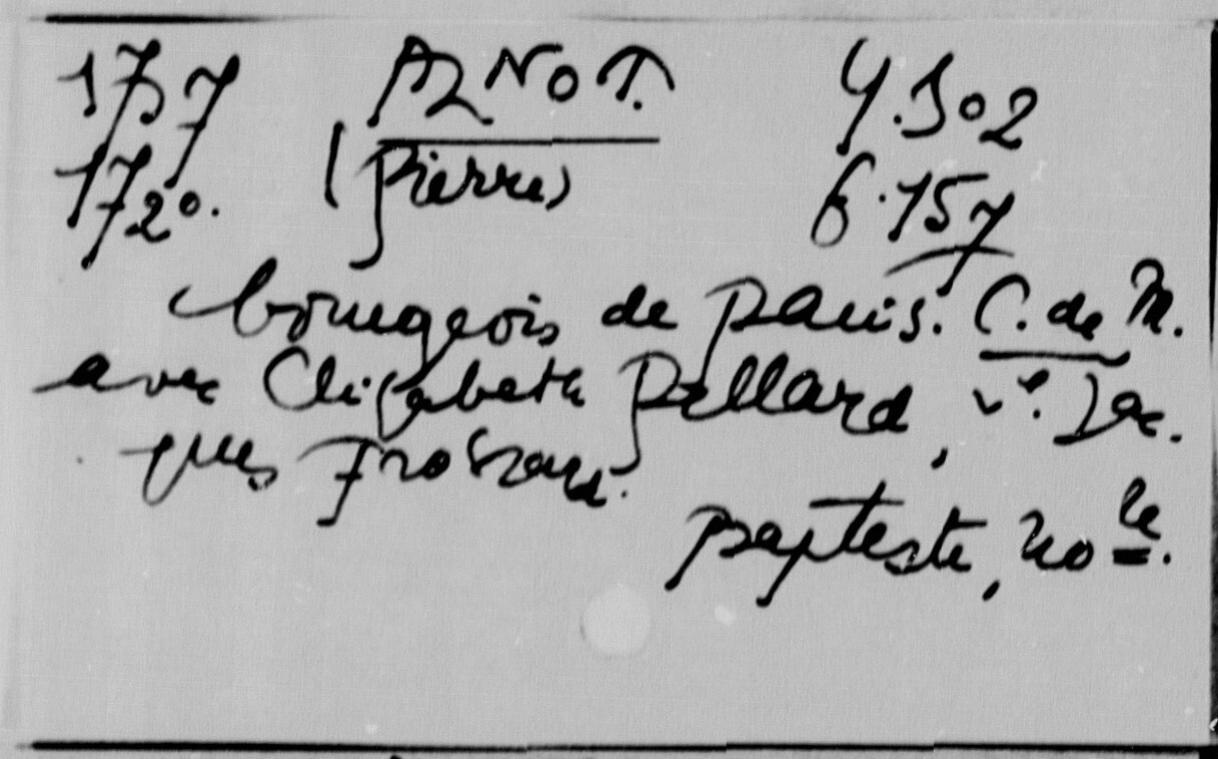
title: ALNOT (Pierre)
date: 1717-1720
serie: Y
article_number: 302
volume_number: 157
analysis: Bourgeois de Paris. Contrat de mariage avec Elisabeth PALLARD, veuve Jacques FROSSARD. Bapteste, notaire.
